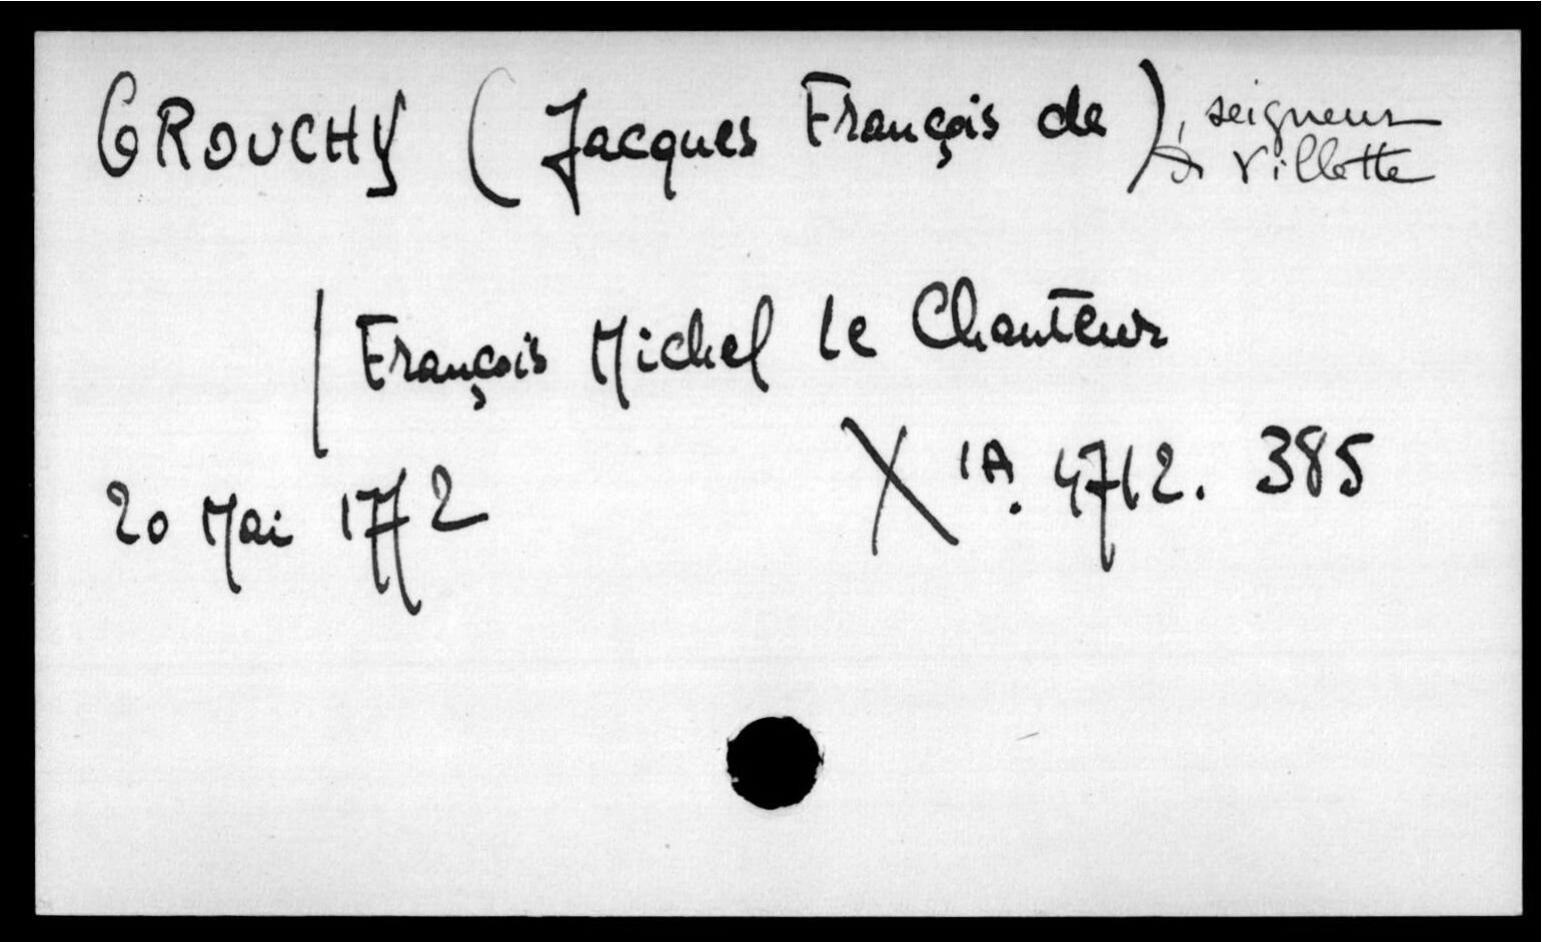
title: GROUCHY (Jacques François de), seigneur de Villette
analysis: Contre François Michel Le Chanteur
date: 20 mai 1772
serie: X1A
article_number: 4712
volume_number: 385
